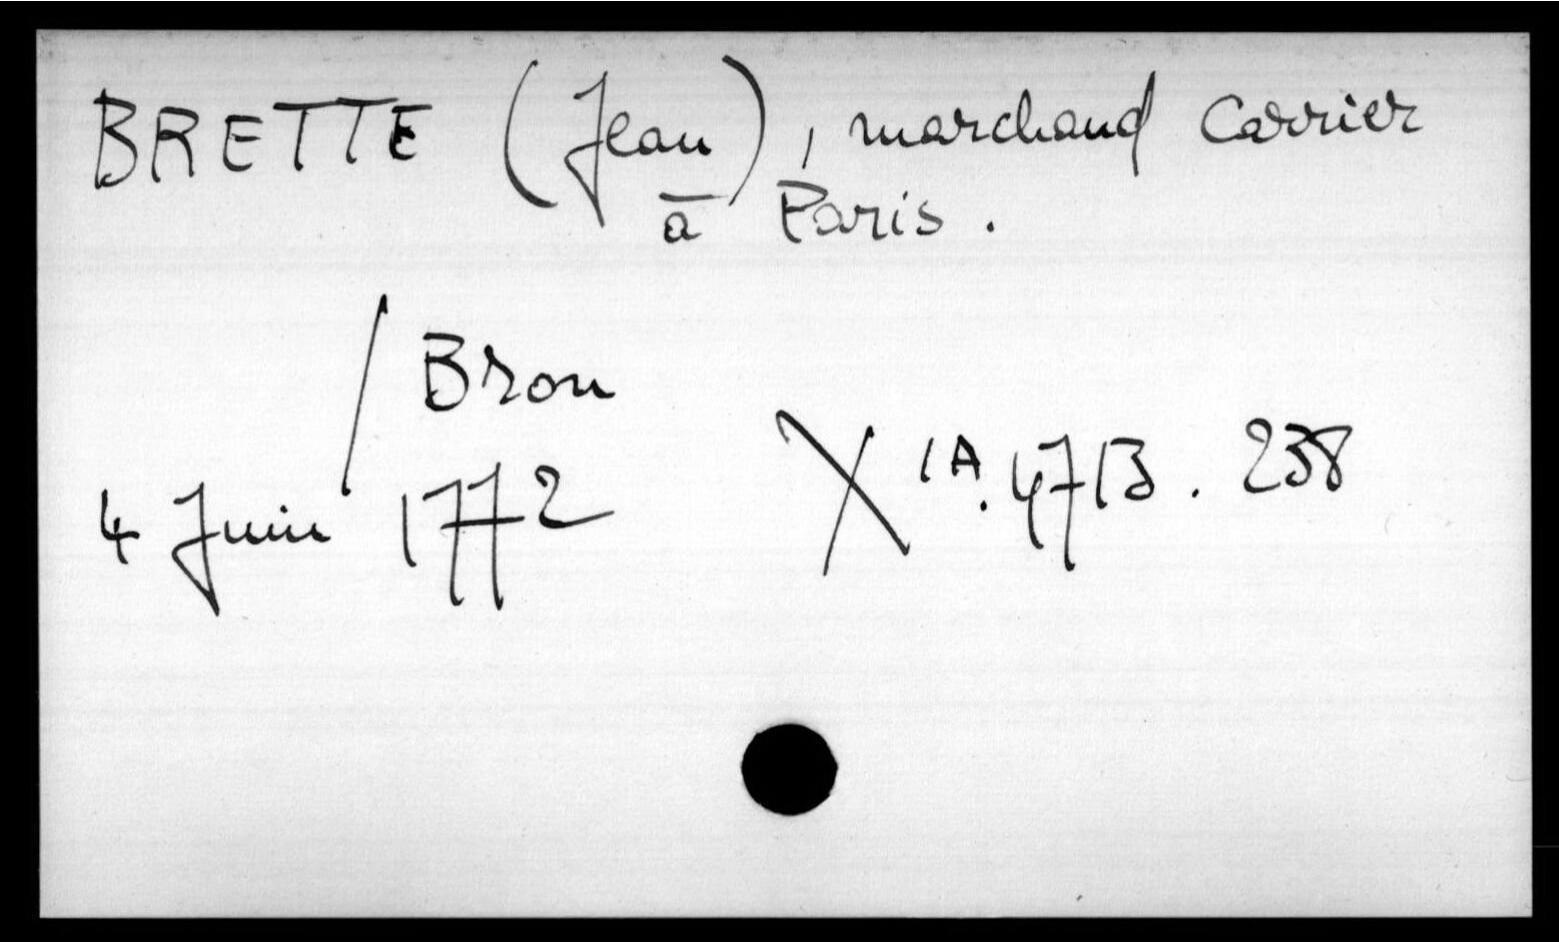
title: BRETTE (Jean), marchand carrier à Paris.
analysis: Contre Bron
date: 4 juin 1772
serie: X1A
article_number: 4713
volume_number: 238
